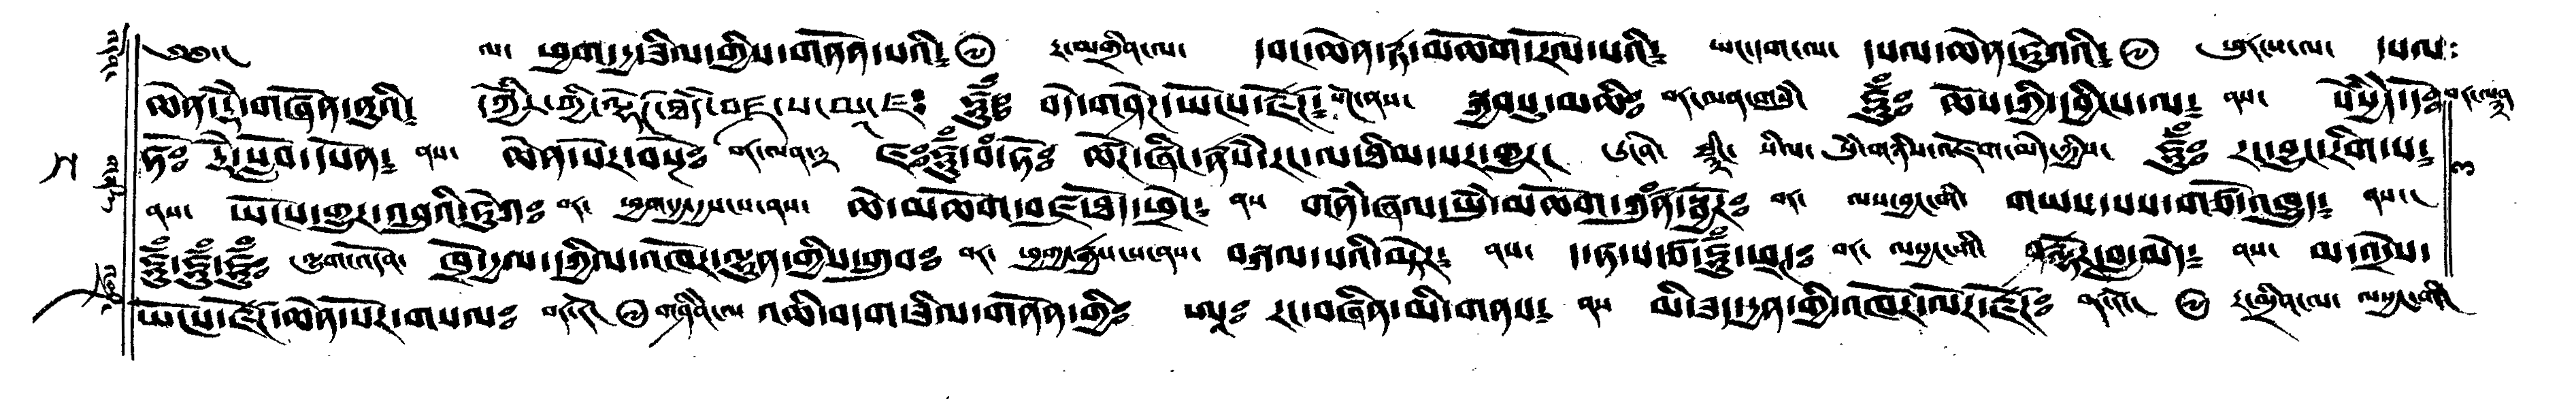ལ། ཕྱག་རྒྱ་ཟིལ་གྱིས་གནོན་པའི༴ རྟ་མགྲིན་ལ། དབང་ཆེན་རྟ་མཆོག་རོལ་པའི༴ ཡང་དག་ལ། དཔལ་ཆེན་ཧེ་རུ་ཀའི༴ ཕུར་པ་ལ། དཔལ་
ཆེན་རྡོ་རྗེ་གཞོན་ནུའི༴ དཀྱིལ་འཁོར་གྱི་ལྷ་ཚོགས་ཐམས་ཅད་བཛྲ་ས་མ་ཛཱཿ ཧཱུྃ༔ བདེ་གཤེགས་ཡོངས་རྫོགས༴ སོགས་ནས། སྐྱབས་སུ་མཆིཿ བར་ལན་གསུམ། ཧཱུྃཿ ཆོས་ཀྱི་དབྱིངས་ལ༴ ནས། སེམས་སྐྱེད་དོཿ བར་ལན་གསུམ། 
ཧོཿ རྡོ་རྗེ་སློབ་དཔོན༴ ནས། ཆེན་པོར་བསྔོཿབར་ལན་གསུམ། ཛཿཧཱུྃ་བཾ་ཧོཿ ཚོགས་ཞིང་རྣམས་རང་ལ་ཐིམ་པར་གྱུར། དུང་ཆེན། ཐིང་གསུམ། ཟིལ། སུམ་གཉིས་འཇོག་མེད་ཀྱིས། ཧཱུྃཿ རང་བྱུང་རིག་པ༴ 
ནས། ཡོངས་གྱུར་འབྲུའི་ཧེ་རུ་ཀཿ བར། ཕྱག་རྒྱ་རྒྱས་པ་ནས། ཆེ་མཆོག་བཛྲ་ཐོད་ཕྲེང༴ ནས། གནམ་ཞལ་ཡུམ་མཆོག་ཀུན་བཟང་སྦྱོརཿ བར། ལས་བྱང་གི། གཡས་པས་གཙོ་འཁྱུད༴ ནས། 
ཧཱུྃ་ཧཱུྃ་ཧཱུྃཿ ལྷུག་འདོན། ཁྲོ་རྒྱལ་དཀྱིལ་འཁོར་ལྷུན་གྱིས་གྲུབཿ བར། ཕྱག་རྒྱ་རྒྱས་པ་ནས། བསྐལ་པའི་མེ་ལྟར། ནས། ད་ཧ་པ་ཙ་ཧཱུྃ་ཕཊཿ བར། ལས་བྱང་གི ཤར་ལྷོར་བླ་མེད༴ ནས། མ་འདྲེས་
ཡོངས་རྫོགས་ཆེན་པོར་གསལཿ བར་རོ། གཤིན་རྗེ་ལ། འཆི་བདག་ཟིལ་གནོན་གྱི། ཨཱཿ རང་བཞིན་མི་གནས༴ ནས། མི་ཟད་རྒྱན་གྱི་འཁོར་ལོར་རྫོགསཿ བར་རོ། རྟ་མགྲིན་ལ། ལས་བྱང་གི་